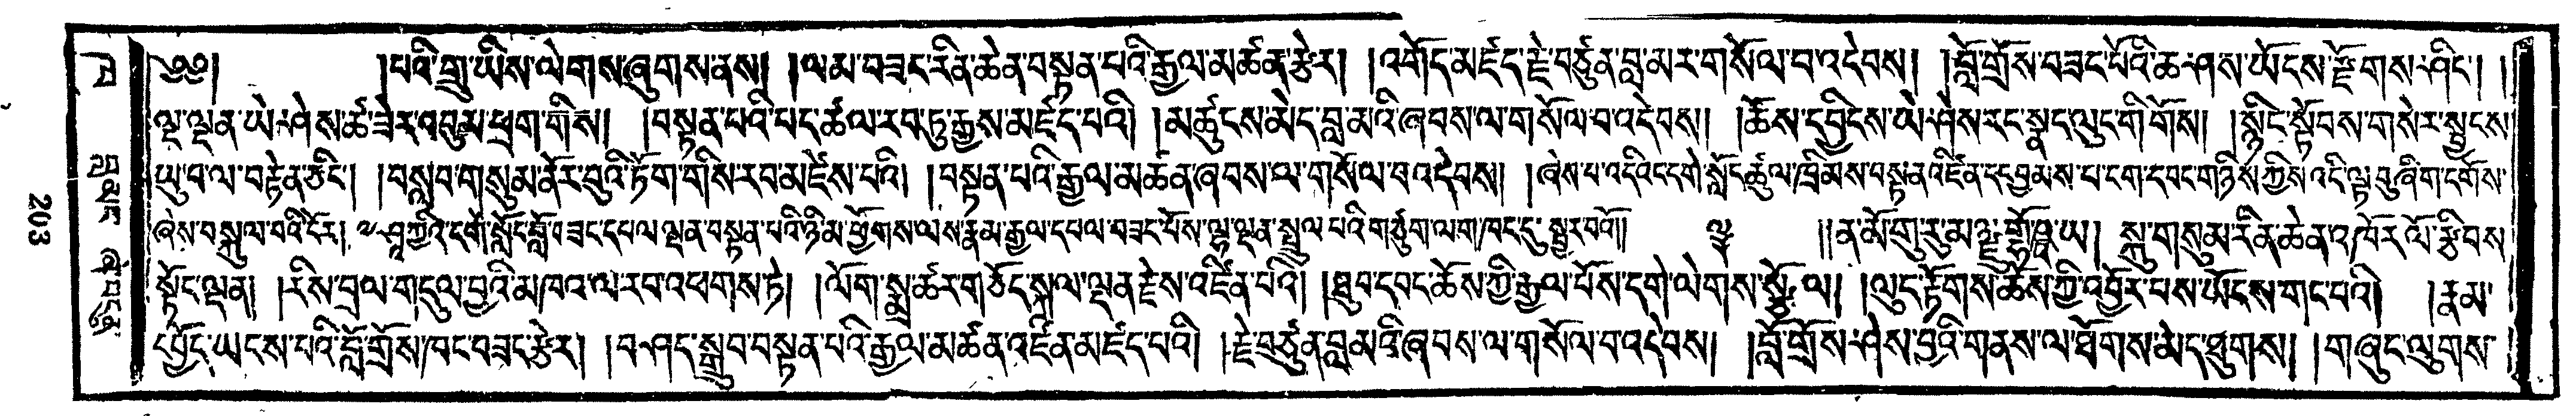༄༅། །པའི་གྲུ་ཡིས་ལེགས་ཞུགས་ནས། །ལམ་བཟང་རིན་ཆེན་བསྟན་པའི་རྒྱལ་མཚན་རྩེར། །འགོད་མཛད་རྗེ་བཙུན་བླ་མར་གསོལ་བ་འདེབས། །བློ་གྲོས་བཟང་པོའི་ཆ་ཤས་ཡོངས་རྫོགས་ཤིང་། །
ལྔ་ལྡན་ཡེ་ཤེས་ཚ་ཟེར་འབུམ་ཕྲག་གིས། །བསྟན་པའི་པད་ཚལ་རབ་ཏུ་རྒྱས་མཛད་པའི། །མཚུངས་མེད་བླ་མའི་ཞབས་ལ་གསོལ་བ་འདེབས། །ཆོས་དབྱིངས་ཡེ་ཤེས་རང་སྣང་ལུང་གི་གོས། །སྙིང་སྟོབས་གསེར་སྦྱངས་
ཡུ་བ་ལ་བརྟེན་ཅིང་། །བསླབ་གསུམ་ནོར་བུའི་ཏོག་གིས་རབ་མཛེས་པའི། །བསྟན་པའི་རྒྱལ་མཚན་ཞབས་ལ་གསོལ་བ་འདེབས། །ཞེས་པ་འདིའང་དགེ་སློང་ཚུལ་ཁྲིམས་བསྟན་འཛིན་དང་བྱམས་པ་ངག་དབང་གཉིས་ཀྱིས་འདི་ལྟ་བུ་ཞིག་དགོས་
ཞེས་བསྐུལ་བའི་ངོར། ༧་ཤཱཀྱའི་དགེ་སློང་བློ་བཟང་དཔལ་ལྡན་བསྟན་པའི་ཉི་མ་ཕྱོགས་ལས་རྣམ་རྒྱལ་དཔལ་བཟང་པོས་ལྷ་ལྡན་སྤྲུལ་པའི་གཙུག་ལག་ཁང་དུ་སྦྱར་བའོ།། ༈ །།ན་མོ་གུ་རུ་མཉྫུ་གྷོ་ཥཱ་ཡ། སྐུ་གསུམ་རིན་ཆེན་འཁོར་ལོ་རྩིབས་
སྟོང་ལྡན། །རིས་བྲལ་གདུལ་བྱའི་མཁའ་ལ་རབ་འཕགས་ཏེ། །ལོག་སྨྲ་ཚར་གཅོད་སྐལ་ལྡན་རྗེས་འཛིན་པའི། །ཐུབ་དབང་ཆོས་ཀྱི་རྒྱལ་པོས་དགེ་ལེགས་སྩོལ། །ལུང་རྟོགས་ཆོས་ཀྱི་འབྱོར་པས་ཡོངས་གང་པའི། །རྣམ་
དཔྱོད་ཡངས་པའི་བློ་གྲོས་ཁང་བཟང་རྩེར། །བཤད་སྒྲུབ་བསྟན་པའི་རྒྱལ་མཚན་འཛིན་མཛད་པའི། །རྗེ་བཙུན་བླ་མའི་ཞབས་ལ་གསོལ་བ་འདེབས། །བློ་གྲོས་ཤེས་བྱའི་གནས་ལ་ཐོགས་མེད་ཐུགས། །གཞུང་ལུགས་